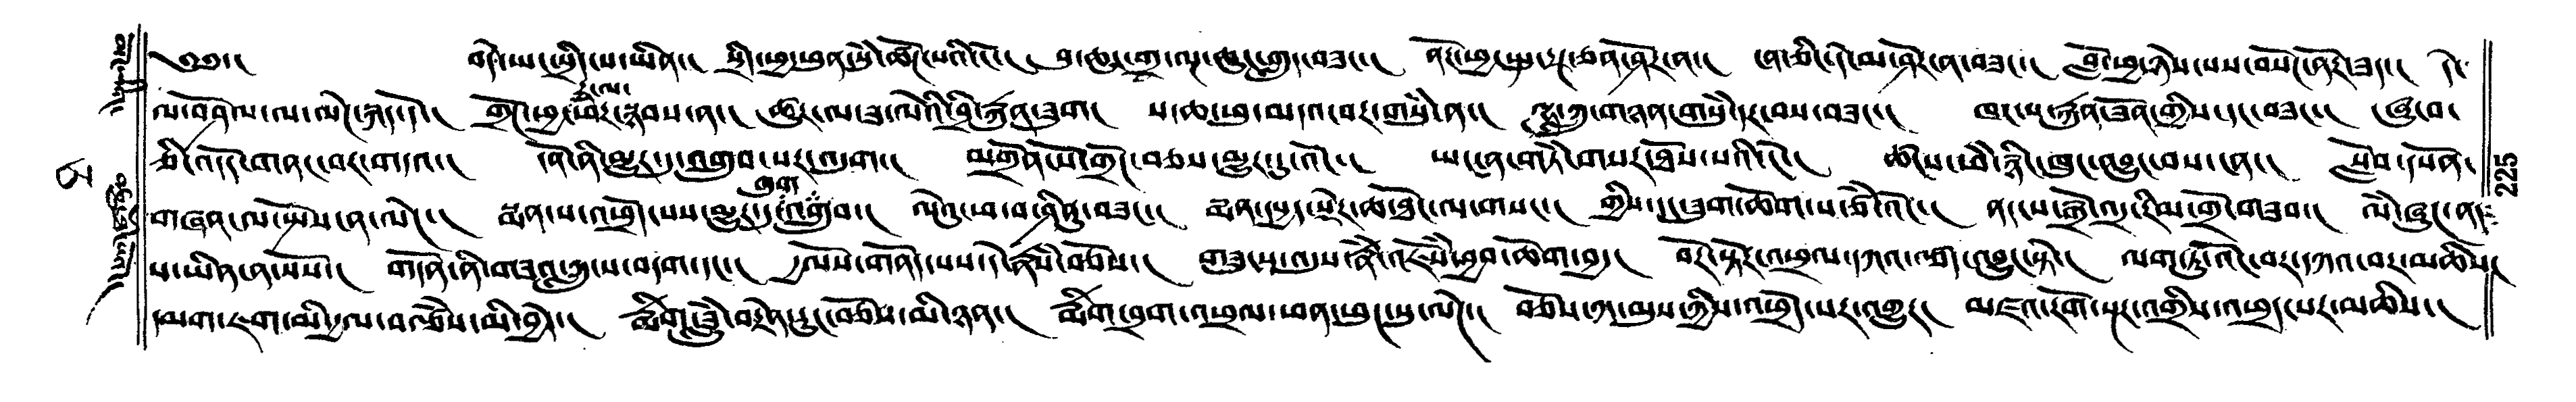བདེ་ཡང་སྲིད་པ་ཡིན། །སྲིད་ཕྱྭ་ཕུན་སུམ་ཚོགས་པའི་ངོ་། །བུ་ཆུང་གྲྭ་ལྔ་ཆུང་གླུད་བཟང་། །ནོར་ཕྱྭ་སྤུ་རྟགས་ཅན་ཤོར་ན། །ངན་ཅིང་དེ་མ་ཤོར་ན་བཟང་། །བློ་ཕྱྭ་ཉེས་པས་བསོགས་ནོར་ཟད། །དེ་
ལས་བཤོལ་ན་ལེགས་སྐད་དོ། །གྲོགས་ཕྱྭ་རྭ་ལ་ཕར་སྙབས་ན། །ཚུར་ལ་ཟ་ལེའི་བྲི་རྐུན་ཟུག །ས་ཆ་ཕུ་མདའ་བར་གསུམ་ན། །ལྷ་ཀླུ་གཉན་གསུམ་དར་བས་བཟང་། ཁང་པ་རྐུན་ཟོན་གྱིས་དང་བཟང་། །ཞུ་བ་
ཅི་འདོད་གནང་བས་གདའ། །དོན་ནི་མྱུར་དུ་འགྲུབ་པར་འདུག །མགྲོན་པོ་གྲོགས་བཅས་མྱུར་དུ་འོང་། །ཡང་ན་གཏམ་གསར་ཐོས་པའི་ངོ་། །ཚངས་ཕམ་སྙིང་ཁུང་འབྱུང་བས་ངན། །སློབ་དཔོན་
གཞན་ལ་སྤོས་ན་ལེགས། །སྨན་པ་འཕྲོད་པས་མྱུར་དུ་ཁུག།ལེའུ་ཕ་བ་ཤིན་ཏུ་བཟང་། །སྨན་དཔྱད་སྡེར་ཆ་ཐོང་ལ་གསང་། །གྱིས་དང་ཟུག་ཆོག་པ་ཙམ་འོང་། །ནང་པ་སྒྲོ་འདྲ་རིམ་གྲོ་གཟབ། །ལམ་གཞུང་ན་
ས་ཡིན་ན་གསོས། །གདོན་ནི་གཟའ་ཀླུ་ས་བདག་དང་། །རྒྱལ་པོས་གནོད་པས་དེ་རྣམས་བཅོས། །གཟུངས་འདུས་རྣམས་འཇོམས་བྱབ་ཆོག་བྱ། །བོར་སྟོར་འཕྲལ་དཀའ་རྩད་འབྱུང་སྟེ། །ལག་ཏུ་འོང་བར་དཀའ་བར་མཆིས། །
དམག་ཇག་མི་རྒྱལ་བརྩམ་མི་བྱེད། །རྨིག་ཟླུམ་བརྟེན་རུང་བཅོས་མི་ཉན། །རྨིག་དབྲག་འཕྲལ་ཕན་ཕུགས་སུ་ལེགས། །བཅོས་ཀ་མུས་ཀྱིས་འཕྲོད་པར་འགྱུར། །མཛའ་རོགས་སྔར་འདྲིས་འཕྲད་པར་མཆིས།